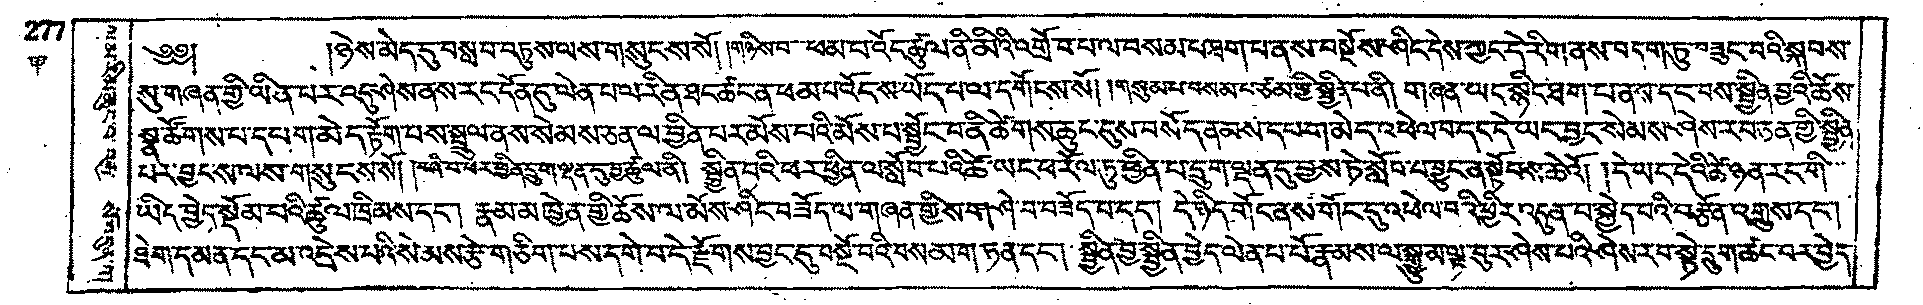༄༅། །ཉེས་མེད་དུ་བསླབ་བཏུས་ལས་གསུངས་སོ། །གཉིས་པཕམ་པ་འོང་ཚུལ་ནི་མིའི་འགྲོ་བ་པ་ལ་བསམ་པ་ཐག་པ་ནས་བསྔོས་ཤིང་དེས་ཀྱང་དེ་རིག་ནས་བདག་ཏུ་བཟུང་བའི་སྐབས་
སུ་གཞན་གྱི་ཡིན་པར་འདུ་ཤེས་ནས་རང་དོན་དུ་ལེན་པ་ལ་རིན་ཐང་ཚང་ན་ཕམ་པ་འོངས་ཡོད་པ་ལ་དགོངས་སོ། །གསུམ་པ་བསམ་པ་ཙམ་གྱི་སྦྱིན་པ་ནི།  གཞན་ཡང་སྙིང་ཐག་པ་ནས་དང་བས་སྦྱིན་བྱའི་ཆོས་
སྣ་ཚོགས་པ་དཔག་མེད་རྟོག་པས་སྤྲུལ་ནས་སེམས་ཅན་ལ་བྱིན་པར་མོས་པའི་མོས་པ་སྦྱོང་བ་ནི་ཚེགས་ཆུང་དུས་བསོད་ནམས་དཔག་མེད་འཕེལ་བ་དང་དེ་ཡང་བྱང་སེམས་ཤེས་རབ་ཅན་གྱི་སྦྱིན་
པར་བྱང་ས་ལས་གསུངས་སོ། །བཞི་པ་ཕར་ཕྱིན་དྲུག་ལྡན་དུ་བྱ་ཚུལ་ནི། སྦྱིན་པའི་ཕར་ཕྱིན་ལ་སློབ་པའི་ཚེ་ཡང་ཕ་རོལ་ཏུ་ཕྱིན་པ་དྲུག་ལྡན་དུ་བྱས་ཏེ་སློབ་པ་བྱུང་ན་སྟོབས་ཆེའོ། །དེ་ཡང་དེའི་ཚེ་ཉན་རང་གི་
ཡིད་བྱེད་སྡོམ་པའི་ཚུལ་ཁྲིམས་དང་། རྣམ་མཁྱེན་གྱི་ཆོས་ལ་མོས་ཤིང་བཟོད་ལ་གཞན་གྱིས་གཤེ་བ་བཟོད་པ་དང་། དེ་ཉིད་གོང་ནས་གོང་དུ་འཕེལ་བའི་ཕྱིར་འདུན་པ་སྐྱེད་པའི་བརྩོན་འགྲུས་དང་།
ཐེག་དམན་དང་མ་འདྲེས་པའི་སེམས་རྩེ་གཅིག་པས་དགེ་བ་དེ་རྫོགས་བྱང་དུ་བསྔོ་བའི་བསམ་གཏན་དང་། སྦྱིན་བྱ་སྦྱིན་བྱེད་ལེན་པ་པོ་རྣམས་ལ་སྒྱུ་མ་ལྟ་བུར་ཤེས་པའི་ཤེས་རབ་སྟེ་དྲུག་ཚང་བར་བྱེད་